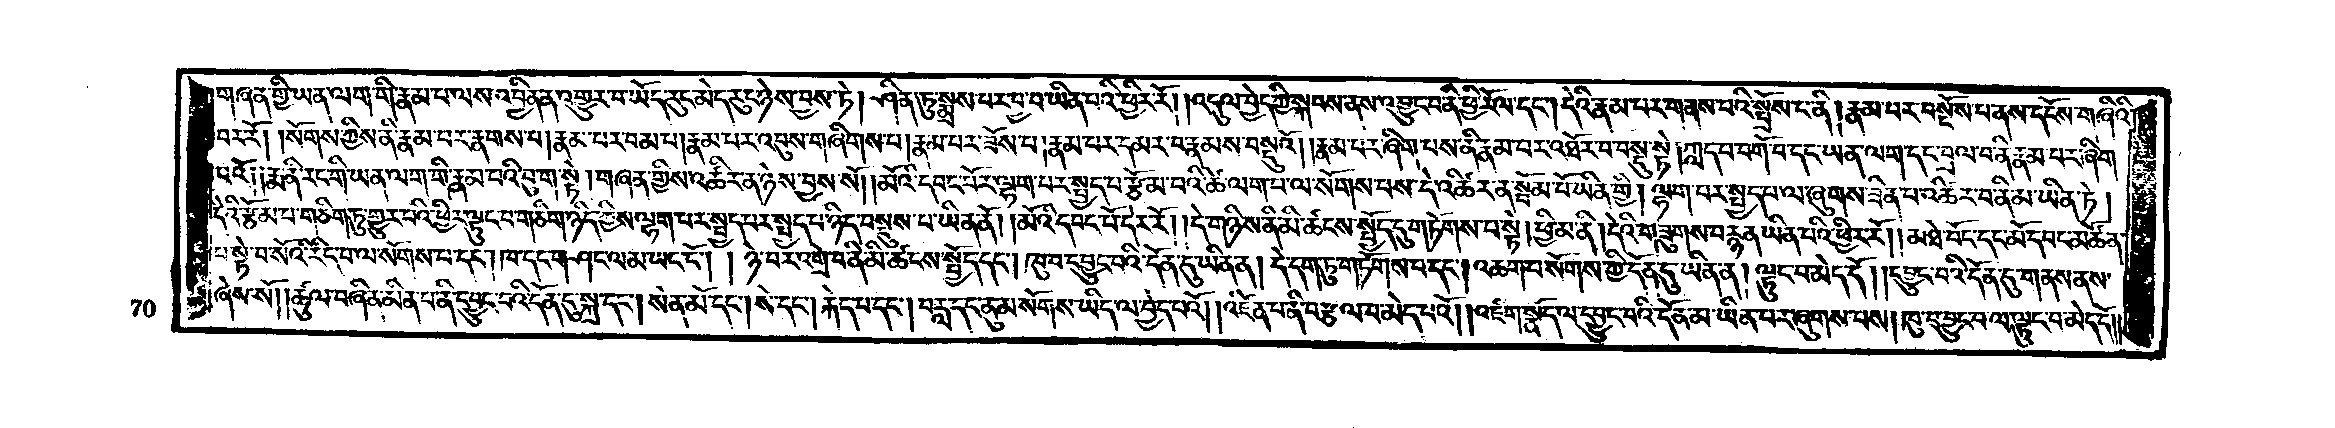གཞན་གྱི་ཡན་ལག་གི་རྣམ་པ་ལས་འབྱིན་ན་འགྱུར་བ་ཡོད་རུང་མེད་རུང་ཉེས་བྱས་ཏེ། ཤིན་ཏུ་སྨྲས་པར་བྱ་བ་ཡིན་པའི་ཕྱིར་རོ། །འདུལ་བྱེད་ཀྱི་སྐབས་ནས་འབྱུང་བ་ནི་ཕྱི་རོལ་དང་། དེའི་རྣམ་པར་གནས་པའི་སྤྲོས་པ་ནི། རྣམ་པར་བསྔོས་པ་ནས་དངོས་གཞིའི་
བར་རོ། །སོགས་ཀྱིས་ནི་རྣམ་པར་རྣགས་པ། རྣམ་པར་བམ་པ། རྣམ་པར་འབུས་གཞིགས་པ། རྣམ་པར་ཟོས་པ། རྣམ་པར་དམར་བ་རྣམས་བསྡུའོ། །རྣམ་པར་ཞིག་པས་ནི་རྣམ་པར་འཐོར་བ་བསྡུ་སྟེ། ཀླད་པ་བགོ་པ་དང་ཡན་ལག་དང་བྲལ་བ་ནི་རྣམ་པར་ཞིག་
པའོ༑ ༑རྨ་ནི་རང་གི་ཡན་ལག་གི་རྣམ་པའི་བུ་ག་སྟེ། གཞན་གྱིས་འཚིར་ན་ཉེས་བྱས་སོ། །མོའི་དབང་པོར་ལྷག་པར་སྤྱད་པ་རྩོམ་པའི་ཚེ་ལག་པ་ལ་སོགས་པས་དེ་འཚིར་ན་སྦོམ་པོ་ཡིན་གྱི། ལྷག་པར་སྤྱད་པ་ལ་ཞུགས་ཟིན་པ་འཚིར་བ་ནི་མ་ཡིན་ཏེ།
དེའི་རྩོམ་པ་གཅིག་ཏུ་གྱུར་པའི་ཕྱིར་ལྟུང་བ་གཅིག་ཉིད་ཀྱིས་ལྷག་པར་སྤྱད་པར་སྤྱད་པ་ཉིད་བསྡུས་པ་ཡིན་ནོ། །མོའི་དབང་པོ་དེར་རོ། །དེ་གཉིས་ནི་མི་ཚངས་སྤྱོད་དུ་གཏོགས་པ་སྟེ། ཕྱི་མ་ནི། དེའི་གཟུགས་བརྙན་ཡིན་པའི་ཕྱིར་རོ། །མཐེ་བོང་དང་མོ་དབང་མཚོན་
པ་སྟེ་བ་སོའི་རིད་བ་ལ་སོགས་པ་དང་། ཁ་དང་གཤང་ལམ་ཡང་ངོ། །ཉེ་བར་འགྲོ་བ་ནི་མི་ཚངས་སྤྱོད་དང་། ཁུ་བ་དབྱུང་བའི་དོན་དུ་ཡིན་ན། དེ་དག་ཏུ་གཏོགས་པ་དང་། འཆག་པ་སོགས་ཀྱི་དོན་དུ་ཡིན་ན། ལྟུང་བ་མེད་དོ། །དབྱུང་བའི་དོན་དུ་གནས་ནས་
ཞེས་སོ། །ཚུལ་བཞིན་མིན་པ་ནི་དབྱུང་བའི་དོན་དུ་སྐྲ་དང་། སེན་མོ་དང་། སེ་དང་། རྐེད་པ་དང་། བརླ་དང་ནུ་མ་སོགས་ཡིད་ལ་བྱེད་པའོ། །འཛིན་པ་ནི་བརྩལ་བ་མེད་པའོ། །འཛག་སྣོད་ལ་དབྱུང་བའི་དོན་མ་ཡིན་པར་ཞུགས་པས། ཁུ་བ་བྱུང་བ་ལ་ལྟུང་བ་མེད་དོ།།